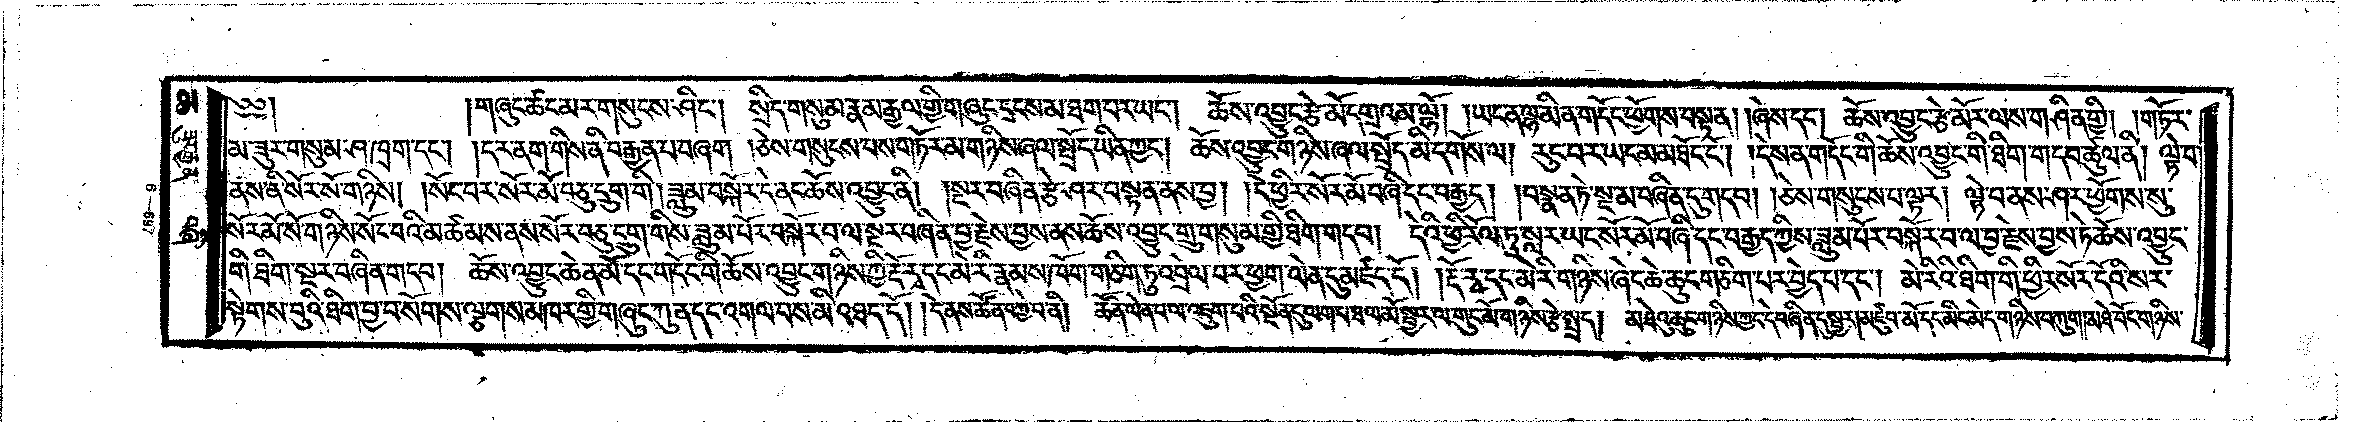༄༅། །གཞུང་ཚང་མར་གསུངས་ཤིང་། སྲིད་གསུམ་རྣམ་རྒྱལ་གྱི་གཞུང་དྲངས་མ་ཐག་པར་ཡང་། ཆོས་འབྱུང་རྩེ་མོ་དགྲའམ་ལྷོ། །ཡང་ན་ལྷ་མིན་གདོང་ཕྱོགས་བསྟན། །ཞེས་དང་། ཆོས་འབྱུང་རྩེ་མོར་ལས་གཤིན་གྱི། །གཏོར་
མ་ཟུར་གསུམ་ཤ་ཁྲག་དང་། །དར་ནག་གིས་ནི་བརྒྱན་པ་བཞག །ཅེས་གསུངས་པས་གཏོར་མ་གཉིས་ཞལ་སྤྲོད་ཡིན་ཀྱང་། ཆོས་འབྱུང་གཉིས་ཞལ་སྤྲོད་མི་དགོས་ལ། རུང་བར་ཡང་མ་མཐོང་ངོ། །དེས་ན་གདོང་གི་ཆོས་འབྱུང་གི་ཐིག་གདབ་ཚུལ་ནི། ལྟེ་བ་
ནས་ནི་སོར་སོ་གཉིས། །སོང་བར་སོར་མོ་བཅུ་དྲུག་གི། །ཟླུམ་བསྐོར་དེ་ནང་ཆོས་འབྱུང་ནི། །སྔར་བཞིན་རྩེ་ཤར་བསྟན་ནས་བྱ། །དེའི་ཕྱིར་སོར་མོ་བཞི་དང་བརྒྱད། །བསྣན་ཏེ་སྔ་མ་བཞིན་དུ་གདབ། །ཅེས་གསུངས་པ་ལྟར། ལྟེ་བ་ནས་ཤར་ཕྱོགས་སུ་
སོར་མོ་སོ་གཉིས་སོང་བའི་མཚམས་ནས་སོར་བཅུ་དྲུག་གིས་ཟླུམ་པོར་བསྐོར་བ་ལ་སྔར་བཞིན་བྱ་རྗེས་བྱས་ནས་ཆོས་འབྱུང་གྲུ་གསུམ་གྱི་ཐིག་གདབ། དེའི་ཕྱི་རོལ་ཏུ་སླར་ཡང་སོར་མོ་བཞི་དང་བརྒྱད་ཀྱིས་ཟླུམ་པོར་བསྐོར་བ་ལ་བྱ་རྗེས་བྱས་ཏེ་ཆོས་འབྱུང་
གི་ཐིག་སྔར་བཞིན་གདབ། ཆོས་འབྱུང་ཆེན་མོ་དང་གདོང་གི་ཆོས་འབྱུང་གཉིས་ཀྱི་རྡོ་རྭ་དང་མེ་རི་རྣམས་ཁོག་གཅིག་ཏུ་འབྲེལ་བར་ཕྱག་ལེན་དུ་མཛད་དོ། །རྡོ་རྭ་དང་མེ་རི་གཉིས་ཞེང་ཆེ་ཆུང་གཅིག་པར་བྱེད་པ་དང་། མེ་རིའི་ཐིག་གི་ཕྱིར་སོར་དོའི་སར་
སྟེགས་བུའི་ཐིག་བྱ་བ་སོགས་ལྕགས་མཁར་གྱི་གཞུང་ཀུན་དང་འགལ་བས་མི་འཐད་དོ། །དེ་ནས་ཚོན་བཀྱེ་བ་ནི། ཚོན་ལེན་པ་ལ་འཇུག་པའི་སྔོན་དུ་ལག་པ་ཐལ་མོ་སྦྱར་ལ་གུང་མོ་གཉིས་རྩེ་སྤྲད། མཐེའུ་ཆུང་གཉིས་ཀྱང་དེ་བཞིན་དུ་སྦྱར། མཛུབ་མོ་དང་མིང་མེད་གཉིས་བཀུག།  མཐེ་བོང་གཉིས་